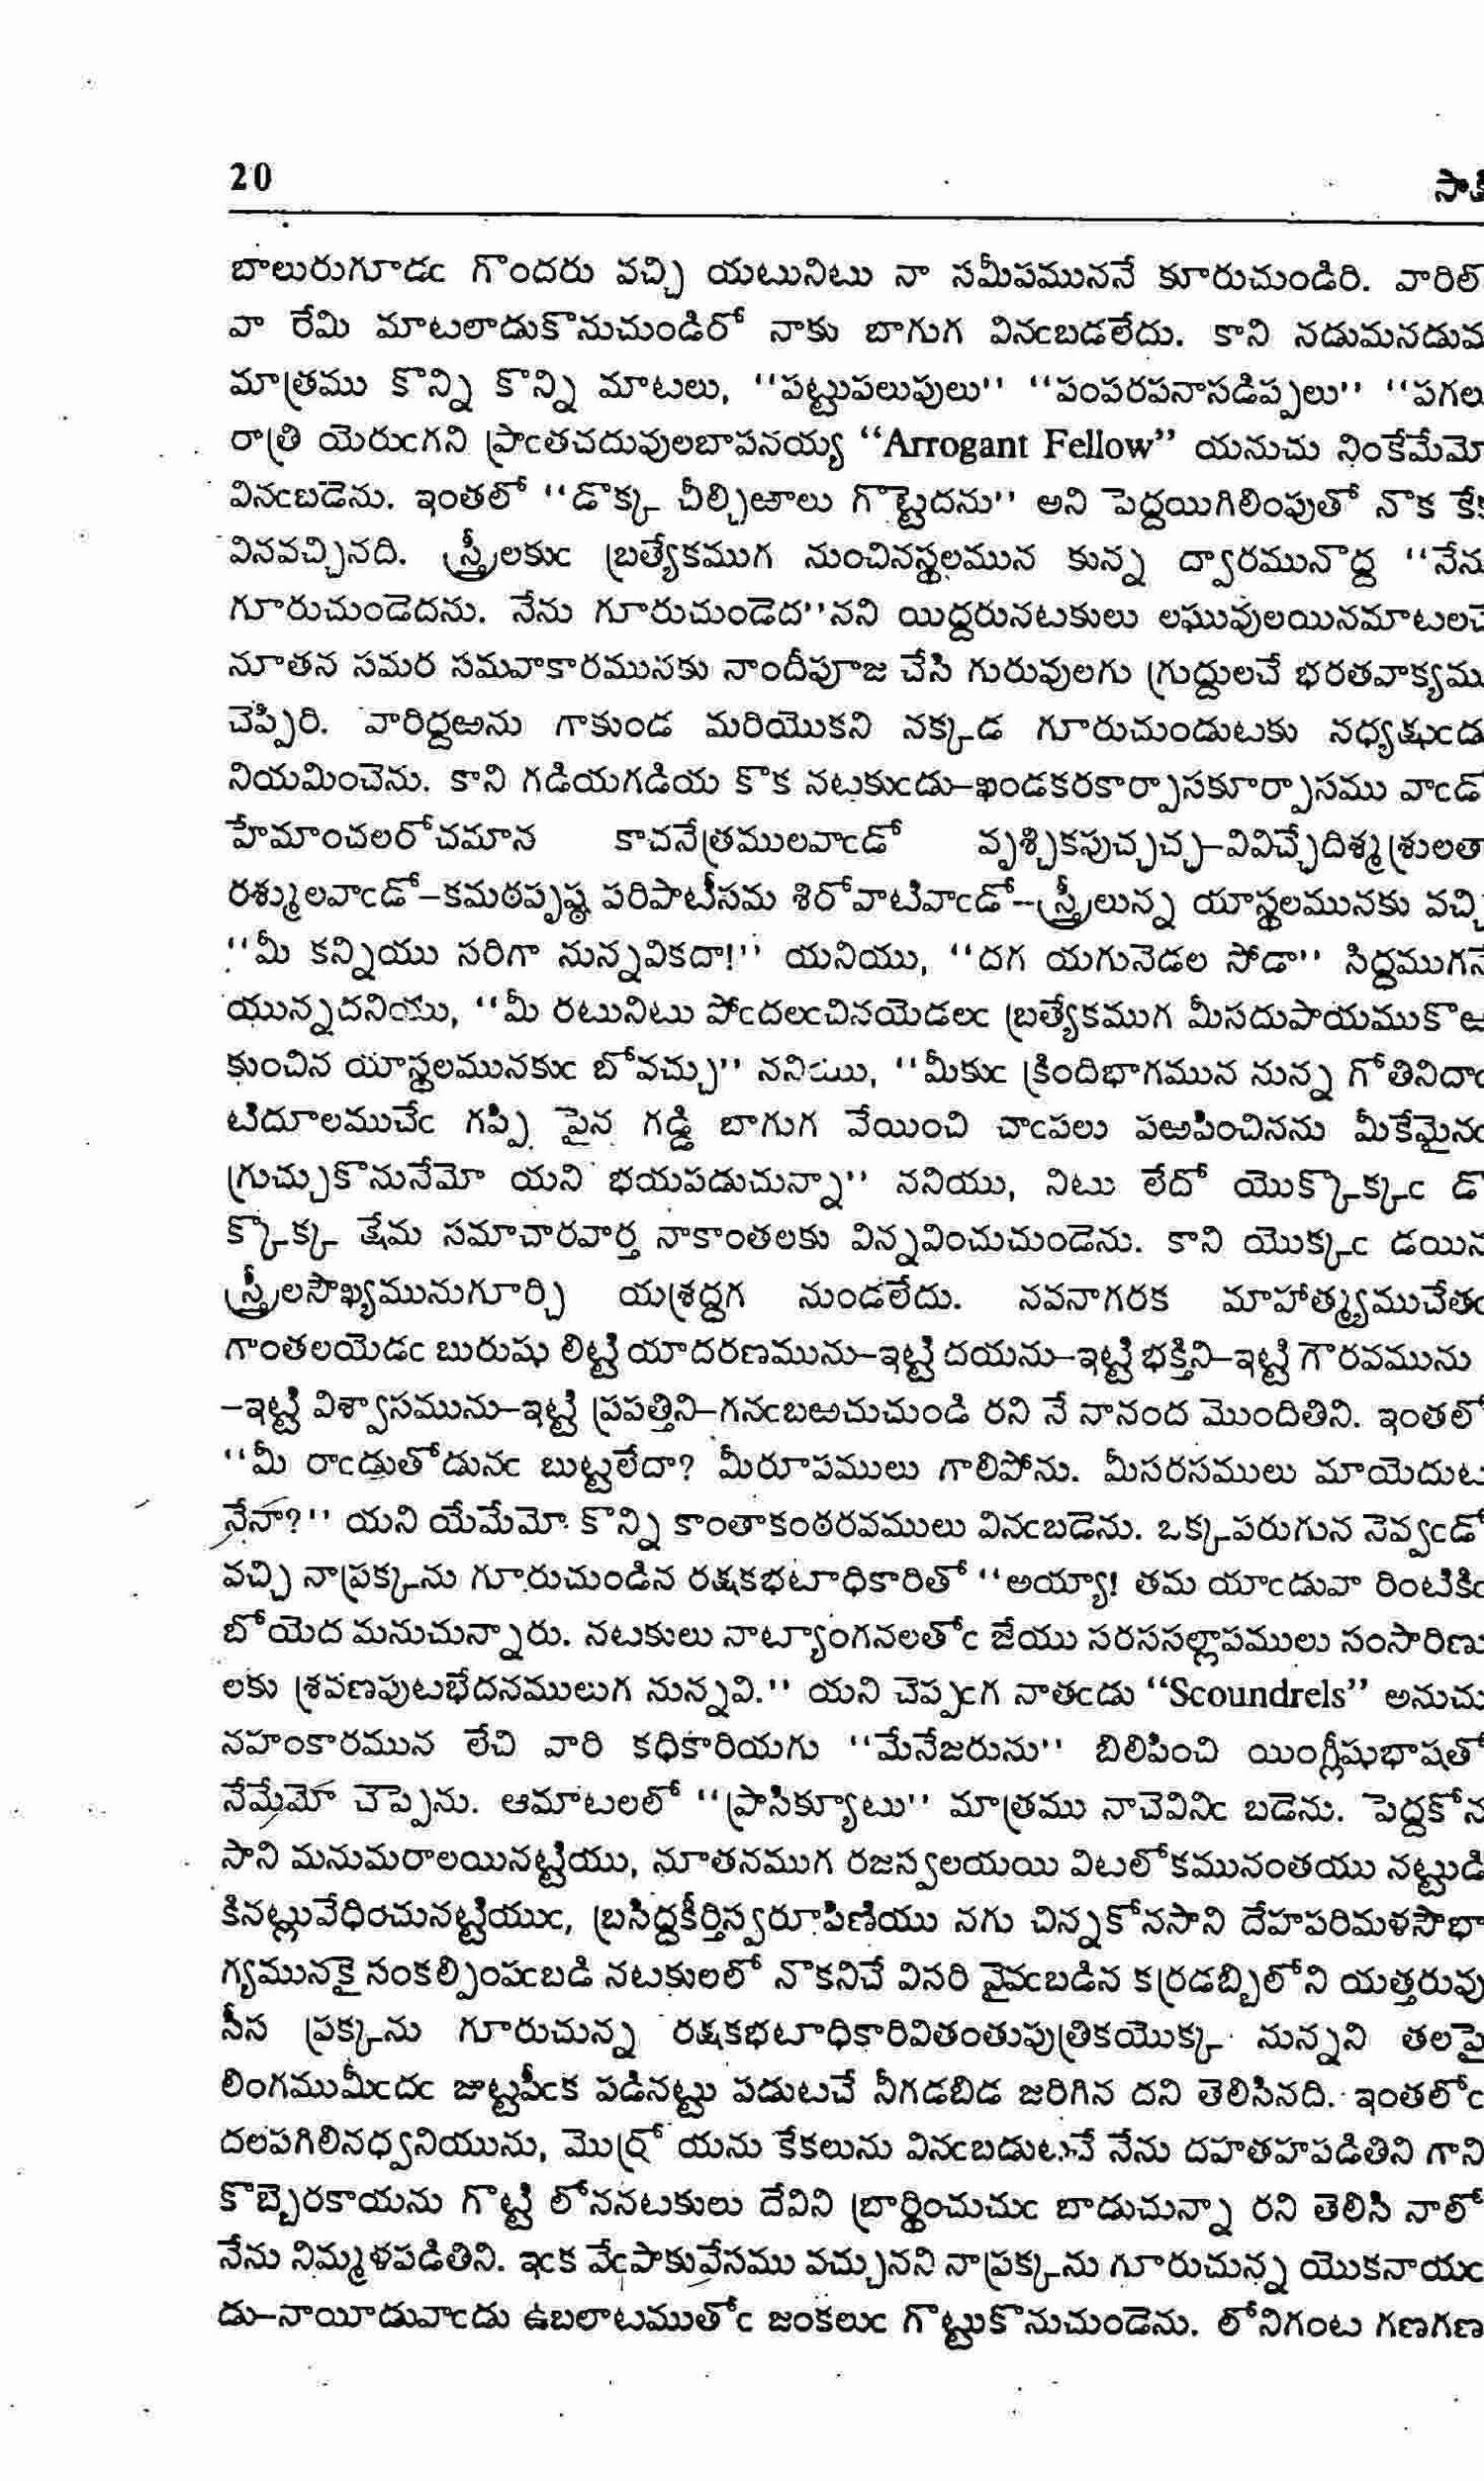బాలురుగూడఁ గొందరు వచ్చి యటునిటు నా సమీపముననే కూరుచుండిరి. వారిలొ వారేమి మాటలాడుకొనుచుండిరో నాకు బాగుగ వినఁబడలేదు. కాని నడుమనడువ మాత్రము కొన్ని కొన్ని మాటలు, “పట్టుపలుపులు” “పంపరపనాసడిప్పలు” “పగలు” రాత్రి యెరుఁగని ప్రాంతచదువులబాపనయ్య “Arrogant Fellow” యనుచు నింకేమేమో వినఁబడెను. ఇంతలో “డొక్క చీల్చిజాలు గొట్టెదను” అని పెద్దయిగిలింపుతో నొక కేక వినవచ్చినది. స్త్రీలకుఁ బ్రత్యేకముగ నుంచినస్థలమున కున్న ద్వారమునొద్ద “నేను
గూరుచుండెదను. నేను గూరుచుండెద” నని యిద్దరునటకులు లఘువులయినమాటలచే నూతన సమర సమవాకారమునకు నాందీపూజ చేసి గురువులగు గ్రుద్ధులచే భరతవాక్యము చెప్పిరి. వారిద్దజను గాకుండ మరియొకని నక్కడ గూరుచుండుటకు నధ్యక్షుఁడు నియమించెను. కాని గడియగడియ కొక నటకుఁడు–ఖండకరకార్పాసకూర్వాసము వాఁడ్ హేమాంచలరోచమాన కాచనేత్రములవాఁడో వృశ్చికపుచ్చచ్చ-వివిచ్ఛేదిశ్మశ్రులతా రశ్ములవాఁడో-కమఠపృష్ఠ పరిపాటీసమ శిరోవాటివాఁడో-స్త్రీలున్న యాస్థలమునకు వచ్చి “మీ కన్నియు సరిగా నున్నవికదా!” యనియు, “దగ యగునెడల సోడా” సిద్ధముగనే యున్నదనియు, “మీ రటునిటు పోఁదలఁచినయెడలఁ బ్రత్యేకముగ మీసదుపాయముకొఱ కుంచిన యాస్థలమునకుఁ బోవచ్చు” ననియు, “మీకుఁ క్రింది భాగమున నున్న గోతినిదాఁటిదూలముచేఁ గప్పి పైన గడ్డి బాగుగ వేయించి చాఁపలు పఱపించినను మీకేమైనం గ్రుచ్చుకొనునేమో యని భయపడుచున్నా” ననియు, నిటు లేదో యొక్కొక్కఁ డొక్కొక్క క్షేమ సమాచారవార్త నాకాంతలకు విన్నవించుచుండెను. కాని యొక్కఁ డయిన స్త్రీలసౌఖ్యమునుగూర్చి యశ్రద్ధగ నుండలేదు. నవనాగరక మాహాత్మ్యముచేతఁ గాంతలయెడఁ బురుషు లిట్టి యాదరణమును-ఇట్టి దయను-ఇట్టి భక్తిని ఇట్టి గౌరవమును-ఇట్టి విశ్వాసమును-ఇట్టి ప్రపత్తిని-గనఁబఱచుచుండి రని నే నానంద మొందితిని. ఇంతలో “మీ రాఁడుతోడునఁ బుట్టలేదా? మీరూపములు గాలిపోను. మీసరసములు మాయెదుట నేనా?” యని యేమేమో కొన్ని కాంతాకంఠరవములు వినఁబడెను. ఒక్క పరుగున నెవ్వండో
వచ్చి నా ప్రక్కను గూరుచుండిన రక్షకభటాధికారితో “అయ్యా! తమ యాఁడువా రింటికిఁ బోయెద మనుచున్నారు. నటకులు నాట్యాంగనలతోఁ జేయు సరససల్లాపములు సంసారిణులకు శ్రవణపుటఛేదనములుగ నున్నవి." యని చెప్పఁగ నాతఁడు “Scoundrels" అనుచు నహంకారమున లేచి వారి కధికారియగు “మేనేజరును” బిలిపించి యింగ్లీషుభాషతో నేమేమో చెప్పెను. ఆమాటలలో “ప్రాసిక్యూటు” మాత్రము నాచెవినిఁబడెను. పెద్దకోను సాని మనుమరాలయినట్టియు, నూతనముగ రజస్వలయయి విటలోకమునంతయు నట్టుడి కినట్లువేధించునట్టియుఁ, బ్రసిద్ధ కీర్తిస్వరూపిణియు నగు చిన్నకోనసాని దేహపరిమళసౌభా
గ్యమునకై సంకల్పింపఁబడి నటకులలో నొకనిచే వినరి వైవఁబడిన కర్రడబ్బిలోని యత్తరువు సీస ప్రక్కను గూరుచున్న రక్షకభటాధికారివితంతుపుత్రికయొక్క నున్నని తలపై లింగముమీఁదఁ జుట్టపీఁక పడినట్టు పడుటచే నీగడబిడ జరిగిన దని తెలిసినది. ఇంతలో దలపగిలినధ్వనియును, మొర్రో యను కేకలును వినఁబడుడుటచే నేను దహతహపడితిని గాని కొబ్బెరకాయను గొట్టి లోననటకులు దేవిని బ్రార్థించుచుఁ బాడుచున్నా రని తెలిసి నాలో నేను నిమ్మళపడితిని. ఇఁక వేళపాకువేసము వచ్చునని నా ప్రక్కను గూరుచున్న యొకనాయండు-నాయీదువాఁడు ఉబలాటముతోఁ జంకలుఁ గొట్టుకొనుచుండెను. లోనిగంట గణగణ